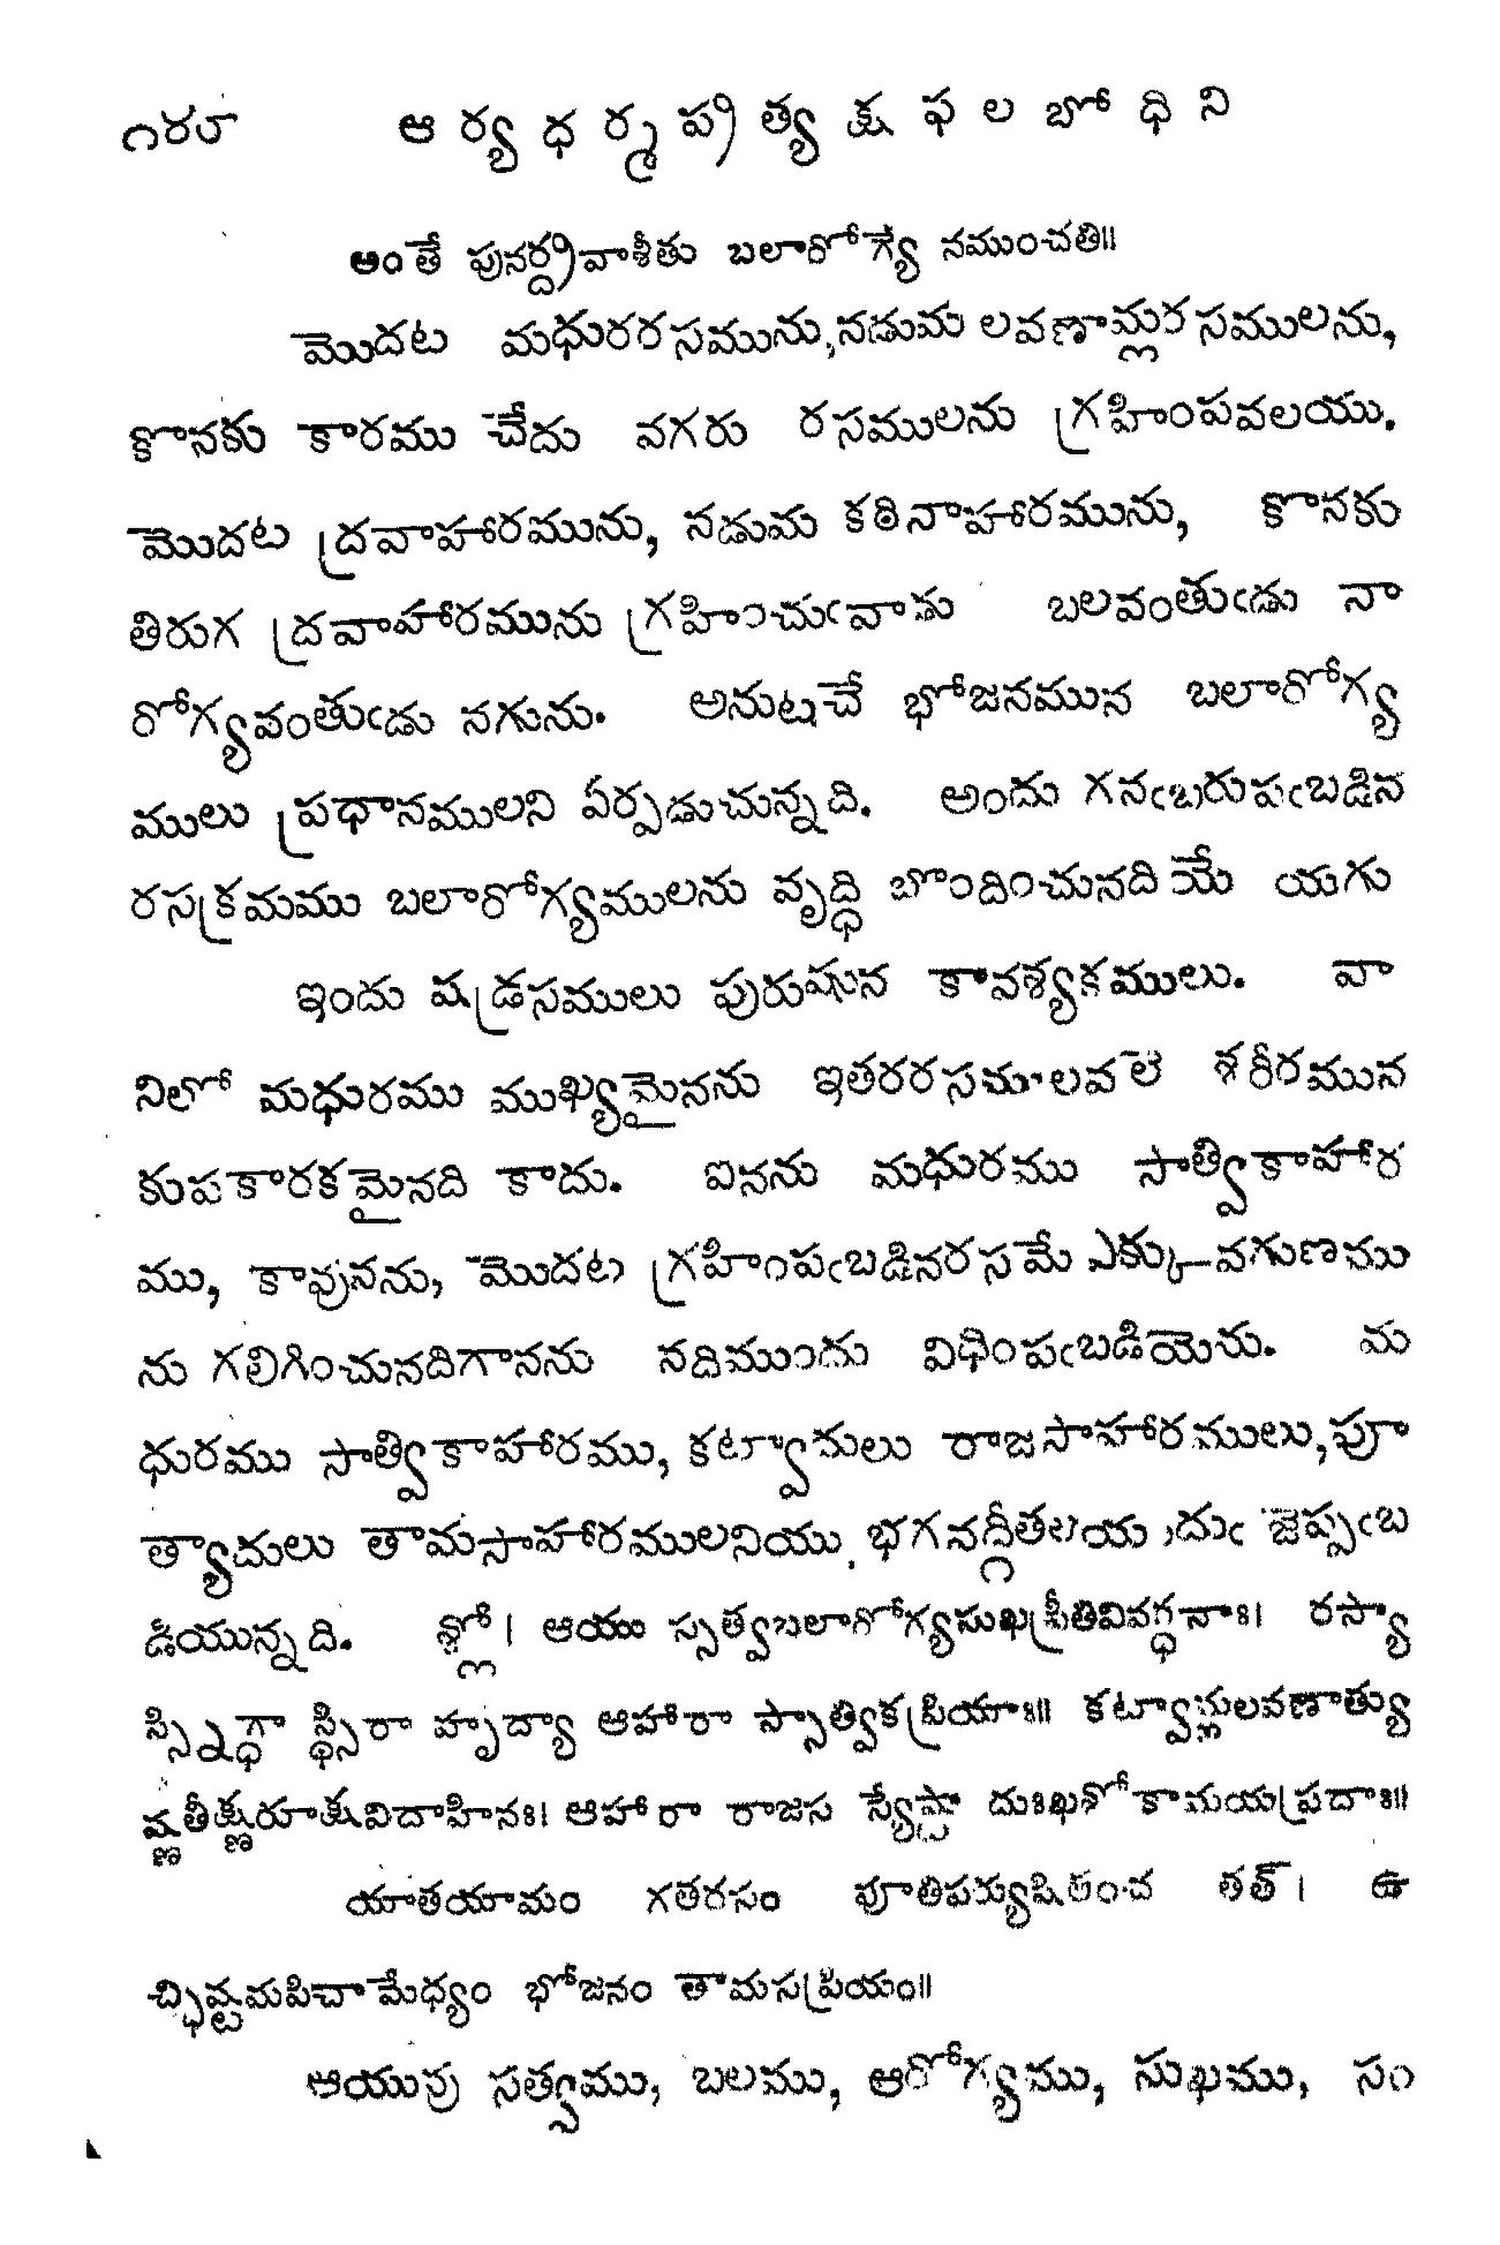అంతే పునర్ద్రవాశీతు బలారోగ్యే నముంచతి॥

మొదట మధురరసమును, నడుమ లవణామ్లరసములను, కొనకు కారము చేదు వగరు రసములను గ్రహింపవలయు. మొదట ద్రవాహారమును, నడుమ కఠినాహారమును, కొనకు తిరుగ ద్రవాహారమును గ్రహించుఁవాడు బలవంతుఁడు నారోగ్యవంతుఁడు నగును. అనుటచే భోజనమున బలారోగ్యములు ప్రధానములని ఏర్పడుచున్నది. అందు గనఁబరుపఁబడిన రసక్రమము బలారోగ్యములను వృద్ధి బొందించునదియే యగు

ఇందు షడ్రసములు పురుషున కావశ్యకములు. వానిలో మధురము ముఖ్యమైనను ఇతరరసములవలె శరీరమున కుపకారకమైనది కాదు. ఐనను మధురము సాత్వికాహారము, కావునను, మొదట గ్రహింపఁబడినరసమే ఎక్కువగుణమును గలిగించునదిగానను నదిముందు విధింపఁబడియెను. మధురము సాత్వికాహారము, కట్వాదులు రాజసాహారములు, పూత్యాదులు తామసాహారములనియు, భగవద్గీతలయందుఁ జెప్పఁబడియున్నది. శ్లో॥ ఆయు స్సత్వబలారోగ్యసుఖప్రీతివివర్ధనాః। రస్యాస్స్నిగ్ధా స్థ్సిరా హృద్యా ఆహారా స్సాత్వికప్రియాః॥ కట్వామ్లలవణాత్యుష్ణతీక్ష్ణరూక్షవిదాహినః। ఆహారా రాజస స్యేష్టా దుఃఖశోకామయప్రదాః॥

యాతయామం గతరసం పూతిపర్యుషితంచ తత్। ఉచ్ఛిష్టమపిచామేధ్యం భోజనం తామసప్రియం॥

ఆయువు సత్వము, బలము, ఆరోగ్యము, సుఖము, సం